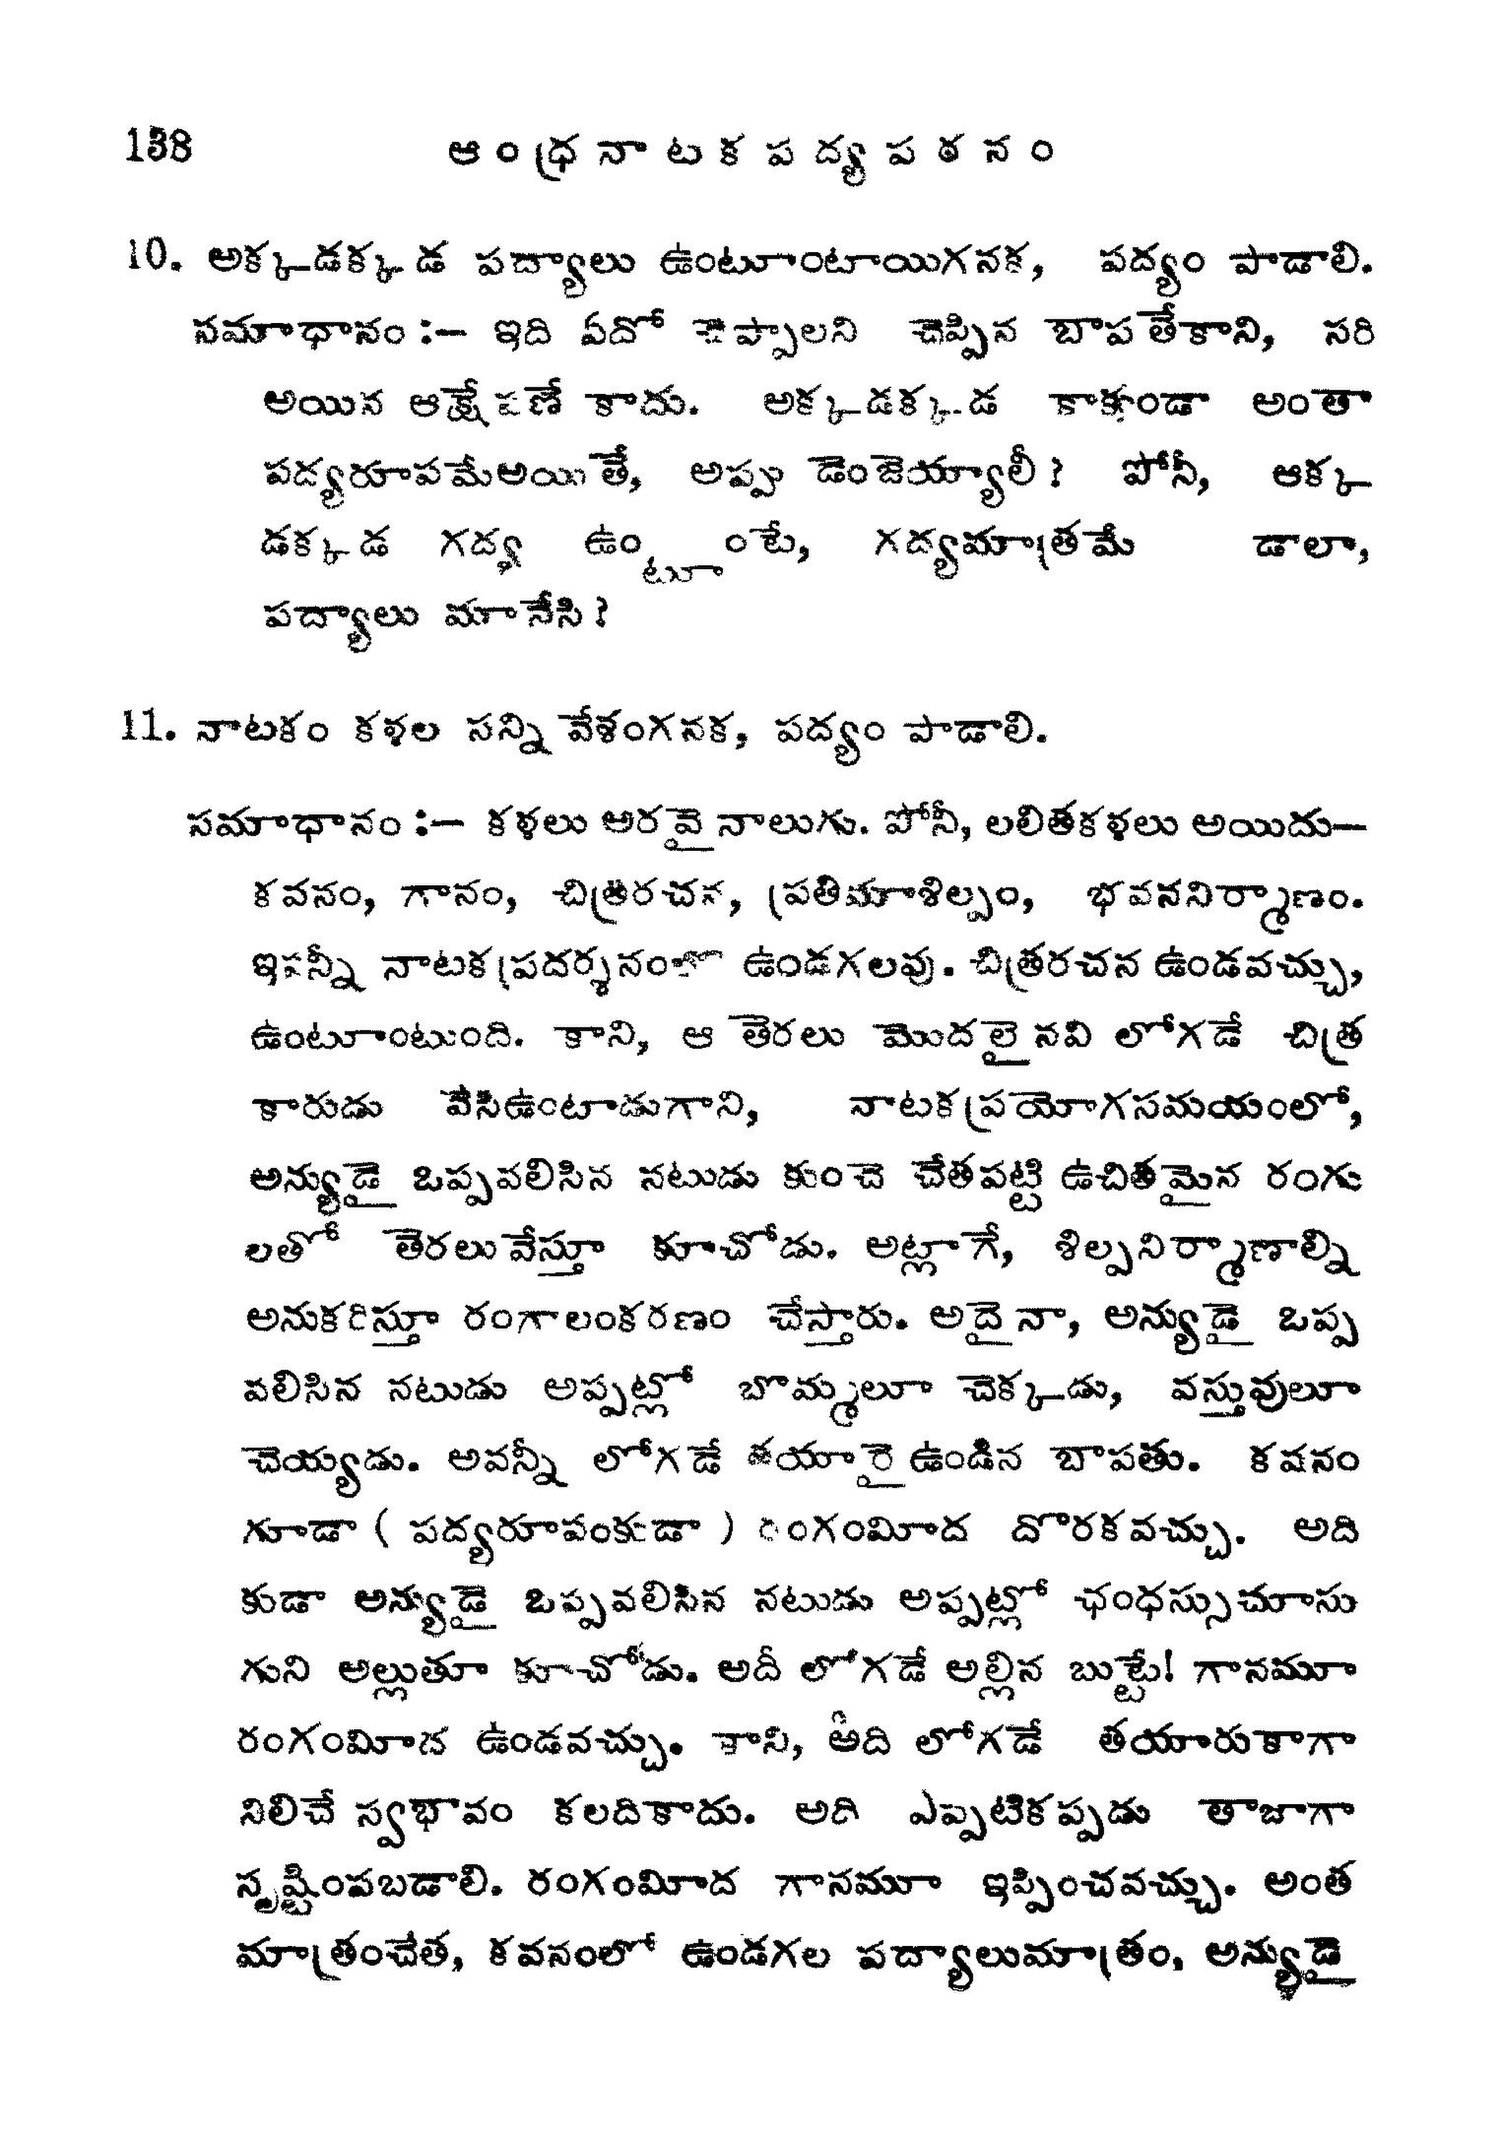10. అక్కడక్కడ పద్యాలు ఉంటూంటాయిగనక, పద్యం పాడాలి.

సమాధానం :- ఇది ఏదో చెప్పాలని చెప్పిన బాపతేకాని, సరి
అయిన ఆక్షేపణే కాదు. అక్కడక్కడ కాకుండా అంతా
పద్యరూపమేఅయితే, అప్పు డెంజెయ్యాలీ ? పోనీ, అక్క
డక్కడ గద్య ఉంటూంటే, గద్యమాత్రమే డాలా,
పద్యాలు మానేసి ?

11. నాటకం కళల సన్ని వేశంగనక, పద్యం పాడాలి.

సమాధానం :– కళలు అరవైనాలుగు. పోనీ, లలితకళలు అయిదు-
కవనం, గానం, చిత్రరచన, ప్రతిమాశిల్పం, భవననిర్మాణం.
ఇవన్నీ నాటకప్రదర్శనంలో ఉండగలవు. చిత్రరచన ఉండవచ్చు,
ఉంటూంటుంది. కాని, ఆ తెరలు మొదలైనవి లోగడే చిత్ర
కారుడు వేసిఉంటాడుగాని, నాటకప్రయోగసమయంలో,
అన్యుడై ఒప్పవలిసిన నటుడు కుంచె చేతపట్టి ఉచితమైన రంగు
లతో తెరలువేస్తూ కూచోడు. అట్లాగే, శిల్పనిర్మాణాల్ని
అనుకరిస్తూ రంగాలంకరణం చేస్తారు. అదైనా, అన్యుడై ఒప్ప
వలిసిన నటుడు అప్పట్లో బొమ్మలూ చెక్కడు, వస్తువులూ
చెయ్యడు. అవన్నీ లోగడే తయారై ఉండిన బాపతు. కవనం
గూడా ( పద్యరూపంకుడా ) రంగంమీద దొరకవచ్చు. అది
కుడా అన్యుడై ఒప్పవలిసిన నటుడు అప్పట్లో ఛందస్సుచూసు
గుని అల్లుతూ కూచోడు. అదీ లోగడే అల్లిన బుట్టే! గానమూ
రంగంమీద ఉండవచ్చు. కాని, అది లోగడే తయారుకాగా
నిలిచే స్వభావం కలదికాదు. అది ఎప్పటికప్పడు తాజాగా
సృష్టింపబడాలి. రంగంమీద గానమూ ఇప్పించవచ్చు. అంత
మాత్రంచేత, కవనంలో ఉండగల పద్యాలుమాత్రం, అన్యుడై